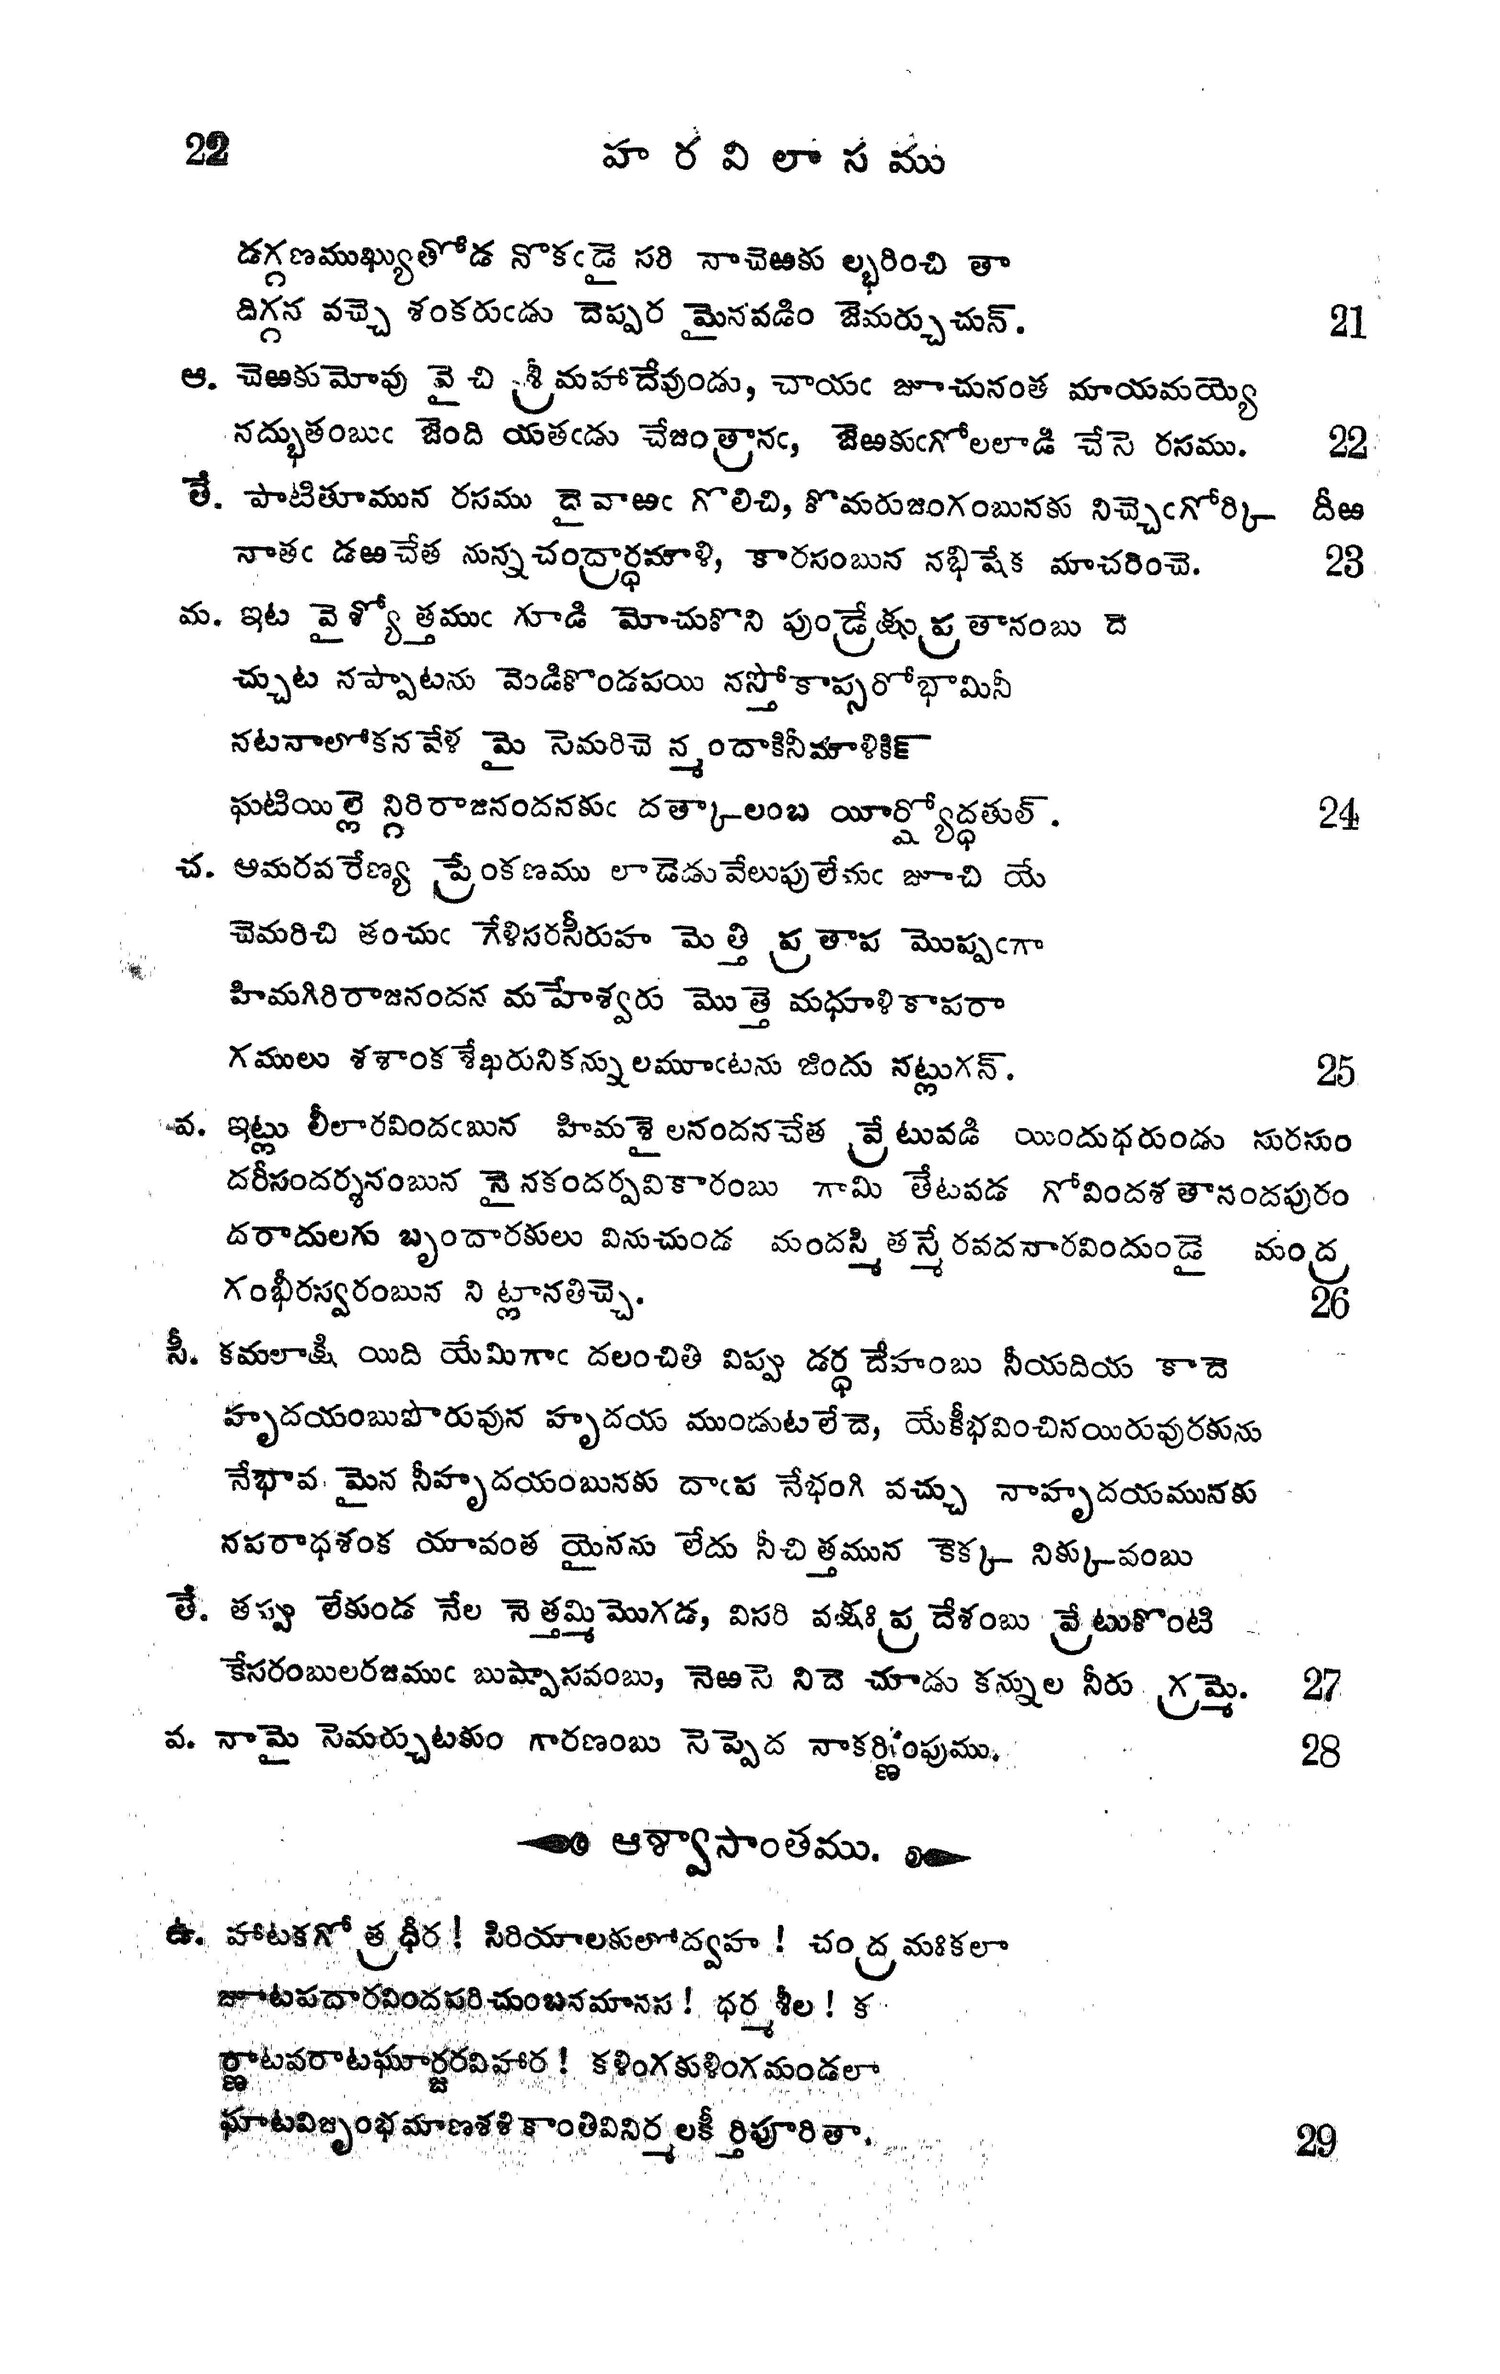డగ్గణముఖ్యుతోడ నొకఁడై సరి నాచెఱకు ల్భరించి తా
దిగ్గన వచ్చె శంకరుఁడు దెప్పర మైనవడి జెమర్చుచున్. 21

ఆ. చెఱకుమోపు వైచి శ్రీమహాదేవుండు, చాయఁ జూచునంత మాయమయ్యె
నద్భుతంబుఁ జెంది యతఁడు చేజంత్రానఁ, జెఱకుఁగాల లాడి చేసె రసము. 22

తే. పాటితూమున రసము దైవాఱఁ గొలిచి, కొమరుజంగంబునకు నిచ్చెఁ గోర్కి దీఱ
నాతఁ డఱచేతనున్న చంద్రార్ధమౌళి, కారసంబున నభిషేక మాచరించె. 23

మ. ఇట వైశ్యోత్తముఁ గూడి మోచుకొని పుండ్రేక్షుప్రతానంబు దె
చ్చుట నప్పాటను వెండికొండపయి నస్తోకాప్సరోభామినీ
నటనాలోకనవేళ మై సెమరిచె న్మందాకినీమౌళికిన్
ఘటియిల్లె న్గిరిరాజనందనకుఁ దత్కాలంబ యీర్ష్యోద్ధతుల్. 24

చ. అమరవరేణ్య ప్రేంకణము లాడెడువేలుపులేమఁ జూచి యే
చెమరిచి తంచుఁ గేళిసరసీరుహ మెత్తి ప్రతాప మొప్పఁగా
హిమగిరిరాజనందన మహేశ్వరు మొత్తె మధూళికాపరా
గములు శశాంకశేఖరుని కన్నులమూఁటను జిందు నట్లుగన్. 25

వ. ఇట్లు లీలారవిందంబున హిమశైలనందనచేత వ్రేటువడి యిందుధరుండు సురసుందరీసందర్శనంబున నైన కందర్పవికారంబు గామి తేటవడ గోవిందశతానందపురందరాదులగు బృందారకులు వినుచుండ మందస్మితస్మేరవదనారవిందుండై మంద్రగంభీరస్వరంబున ని ట్లాన తిచ్చె. 26

సీ. కమలాక్షి యిది యేమిగాఁ దలంచితి విప్పు డర్ధదేహంబు నీయదియ కాదె
హృదయంబుపొరువున హృదయ ముండుటలేదె, యేకీభవించిన యిరువురకును
నేభావ మైన నీహృదయంబునకు దాఁప నేభంగి వచ్చు నాహృదయమునకు
నపరాధశంక యావంత యైనను లేదు నీచిత్తమున కెక్క నిక్కువంబు
తే. తప్పు లేకుండ నేల నెత్తమ్మిమొగడ, విసరి వక్షఃప్రదేశంబు వ్రేటుకొంటి
కేసరంబులరజముఁ బుష్పాసవంబు, నెఱసె నిదె చూడు కన్నుల నీరు గ్రమ్మె. 27

వ. నామై సెమర్చుటకుం గారణంబు సెప్పెద నాకర్ణింపుము. 28

ఉ. హాటకగోత్రధీర! సిరియాలకులోద్వహ! చంద్రమఃకలా
జూటపదారవిందపరిచుంబనమానస! ధర్మశీల! క
ర్ణాటవరాటఘూర్జరవిహార! కళింగకుళింగమండలా
ఘాటవిజృంభణామాణశశికాంతివినిర్మలకీర్తిపూరితా. 29